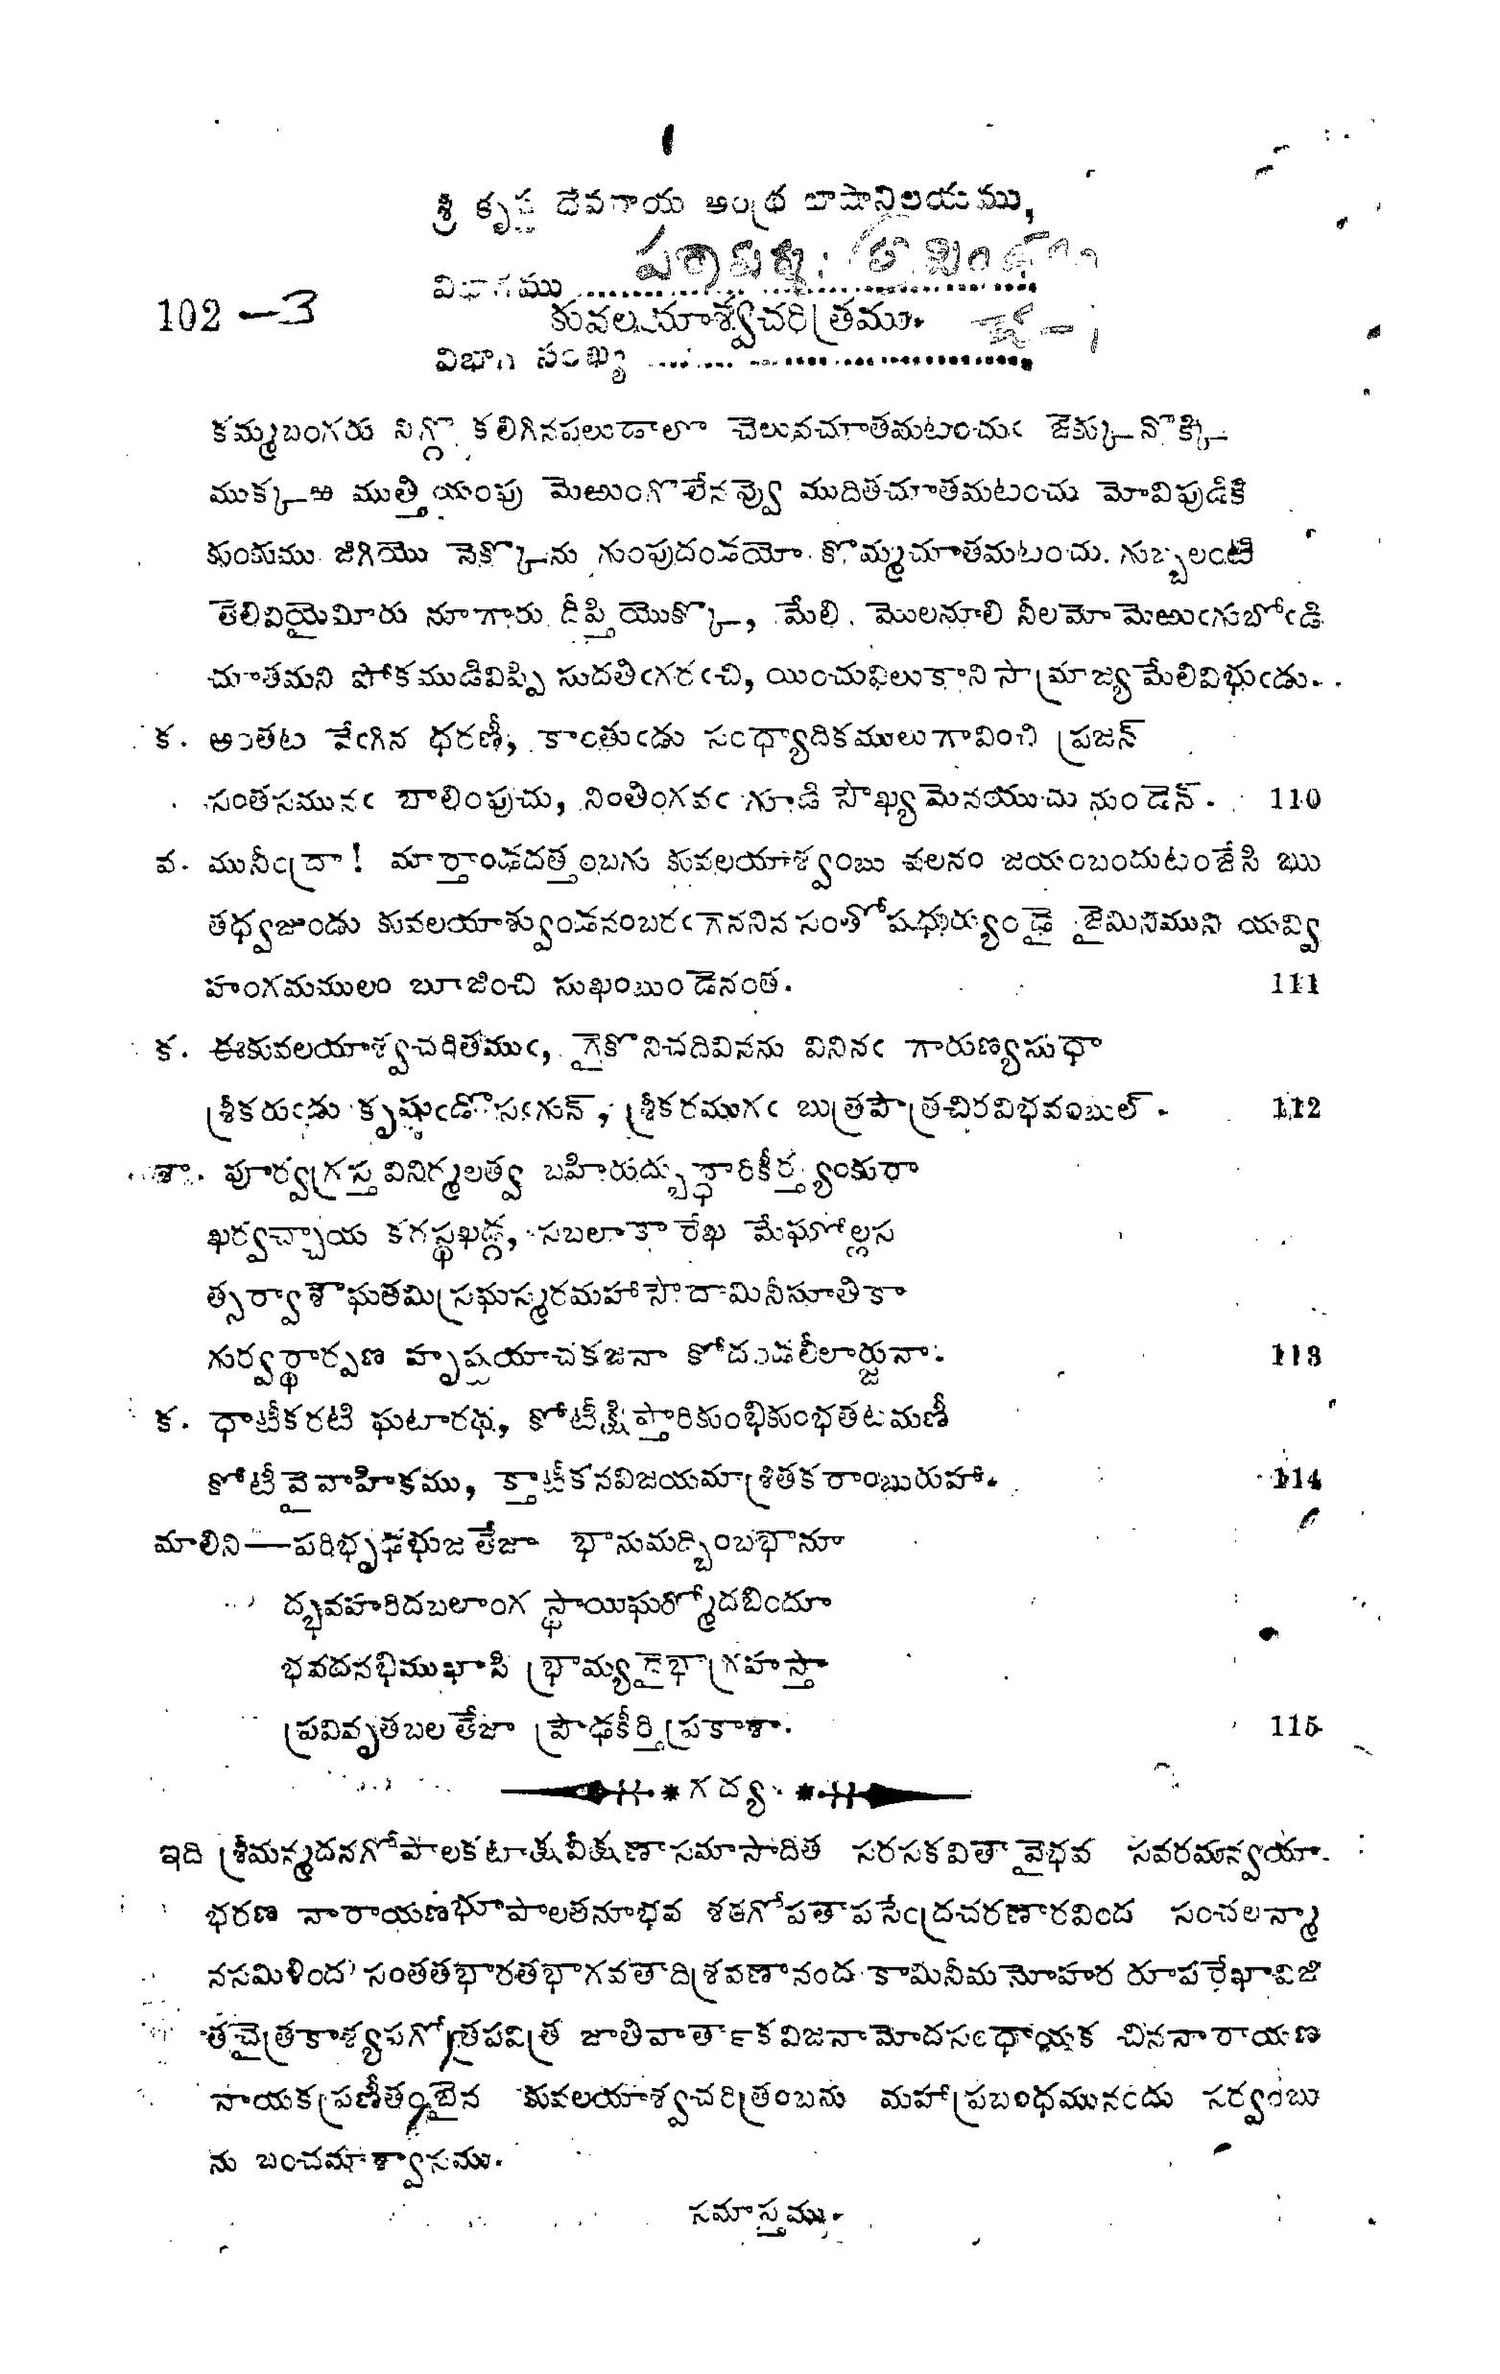కమ్మబంగరు సిగ్గొ కలిగినపలుడాలొ చెలువ చూతమటంచుఁ జెక్కు నొక్కి
ముక్కఱ ముత్తి యంపు మెఱుంగొ లేనవ్వొ ముదిత చూతమటంచు మోవి పుడికి
కుంకుము జిగియొ నెక్కొను గుంపుదండయో కొమ్మ చూతమటంచు గుబ్బలంటి
తెలివియై మీరు నూగారుదీప్తియొక్కొ, మేలిమొలనూలినీలమో మెఱుఁగుఁబోఁడి
చూతమని పోకముడి విప్పి సుదతిఁ గరఁచి, యించువిలుకానిసామ్రాజ్య మేలి విభుఁడు.
క. అంతట వేఁగిన ధరణీ, కాంతుఁడు సంధ్యాదికములు గావించి ప్రజన్
సంతసమునఁ బాలింపుచు, నింతింగవఁ గూడి సౌఖ్య మెనయుచు నుండెన్.
వ. మునీంద్రా! మార్తాండదత్తంబగు కువలయాశ్వంబు చలనం జయం బందుటం జేసి ఋ
తధ్వజుండు కువలయాశ్వుం డనం బరఁగె ననిన సంతోషధుర్యుండై జైమినిముని యవ్వి
హంగమములం బూజించి సుఖంబుండె నంత.
క. ఈకువలయాశ్వచరితముఁ గైకొని చదివినను వినినఁ గారుణ్యసుధా
శ్రీకరుడు కృష్ణుఁ డొసగున్, శ్రీకరముగఁ బుత్రపౌత్రచిరవిభవంబుల్.
శా. పూర్వగ్రస్తవినిర్మలత్వబహిరుద్భుద్ధారకీర్త్యంకురా
ఖర్వచ్చాయ కరస్థఖడ్గ, సబలాకారేఖ మేఘోల్లస
త్సర్వాశౌఘతమిస్రఘస్మరమహాసౌదామినీసూతికా
గుర్వర్థార్పణహృష్టయాచకజనా కోదండలీలార్జునా.
క. ధాటీకరటి ఘటారథ, కోటీక్షిప్తారికుంభికుంభతటమణీ
కోటీవైవాహికము, క్తాటీకనవిజయమాశ్రితకరాంబురుహా.
మాలిని. పరిధృఢభుజతేజా భానుమద్బింబభానూ
ద్భవహరిదబలాంగ స్థాయిఘర్మోదబిందూ
భవదనభిముఖాసి భ్రామ్యధైభాగ్రహస్తా
ప్రవివృతబలతేజా ప్రౌఢకీర్తిప్రకాశా.

ఇది శ్రీమన్మదనగోపాలకటాక్షవీక్షణాసమాసాదిత సరసకవితావైభవ సవరమన్వయా
భరణ నారాయణభూపాలతనూభవ శఠగోపతాపసేంద్రచరణారవింద సంచలన్మా
నసమిళింద సంతతభారతభాగవతాదిశ్రవణానంద కామినీమనోహర రూపరేఖాజి
త చైత్ర కాశ్యపగోత్రపవిత్ర జాతివార్తాకవిజనామోదసంధాయక చిననారాయణ
నాయకప్రణీతంబైన కువలయాశ్వచరిత్రంబను మహాప్రబంధమునందు సర్వంబు
ను బంచమాశ్వాసము.